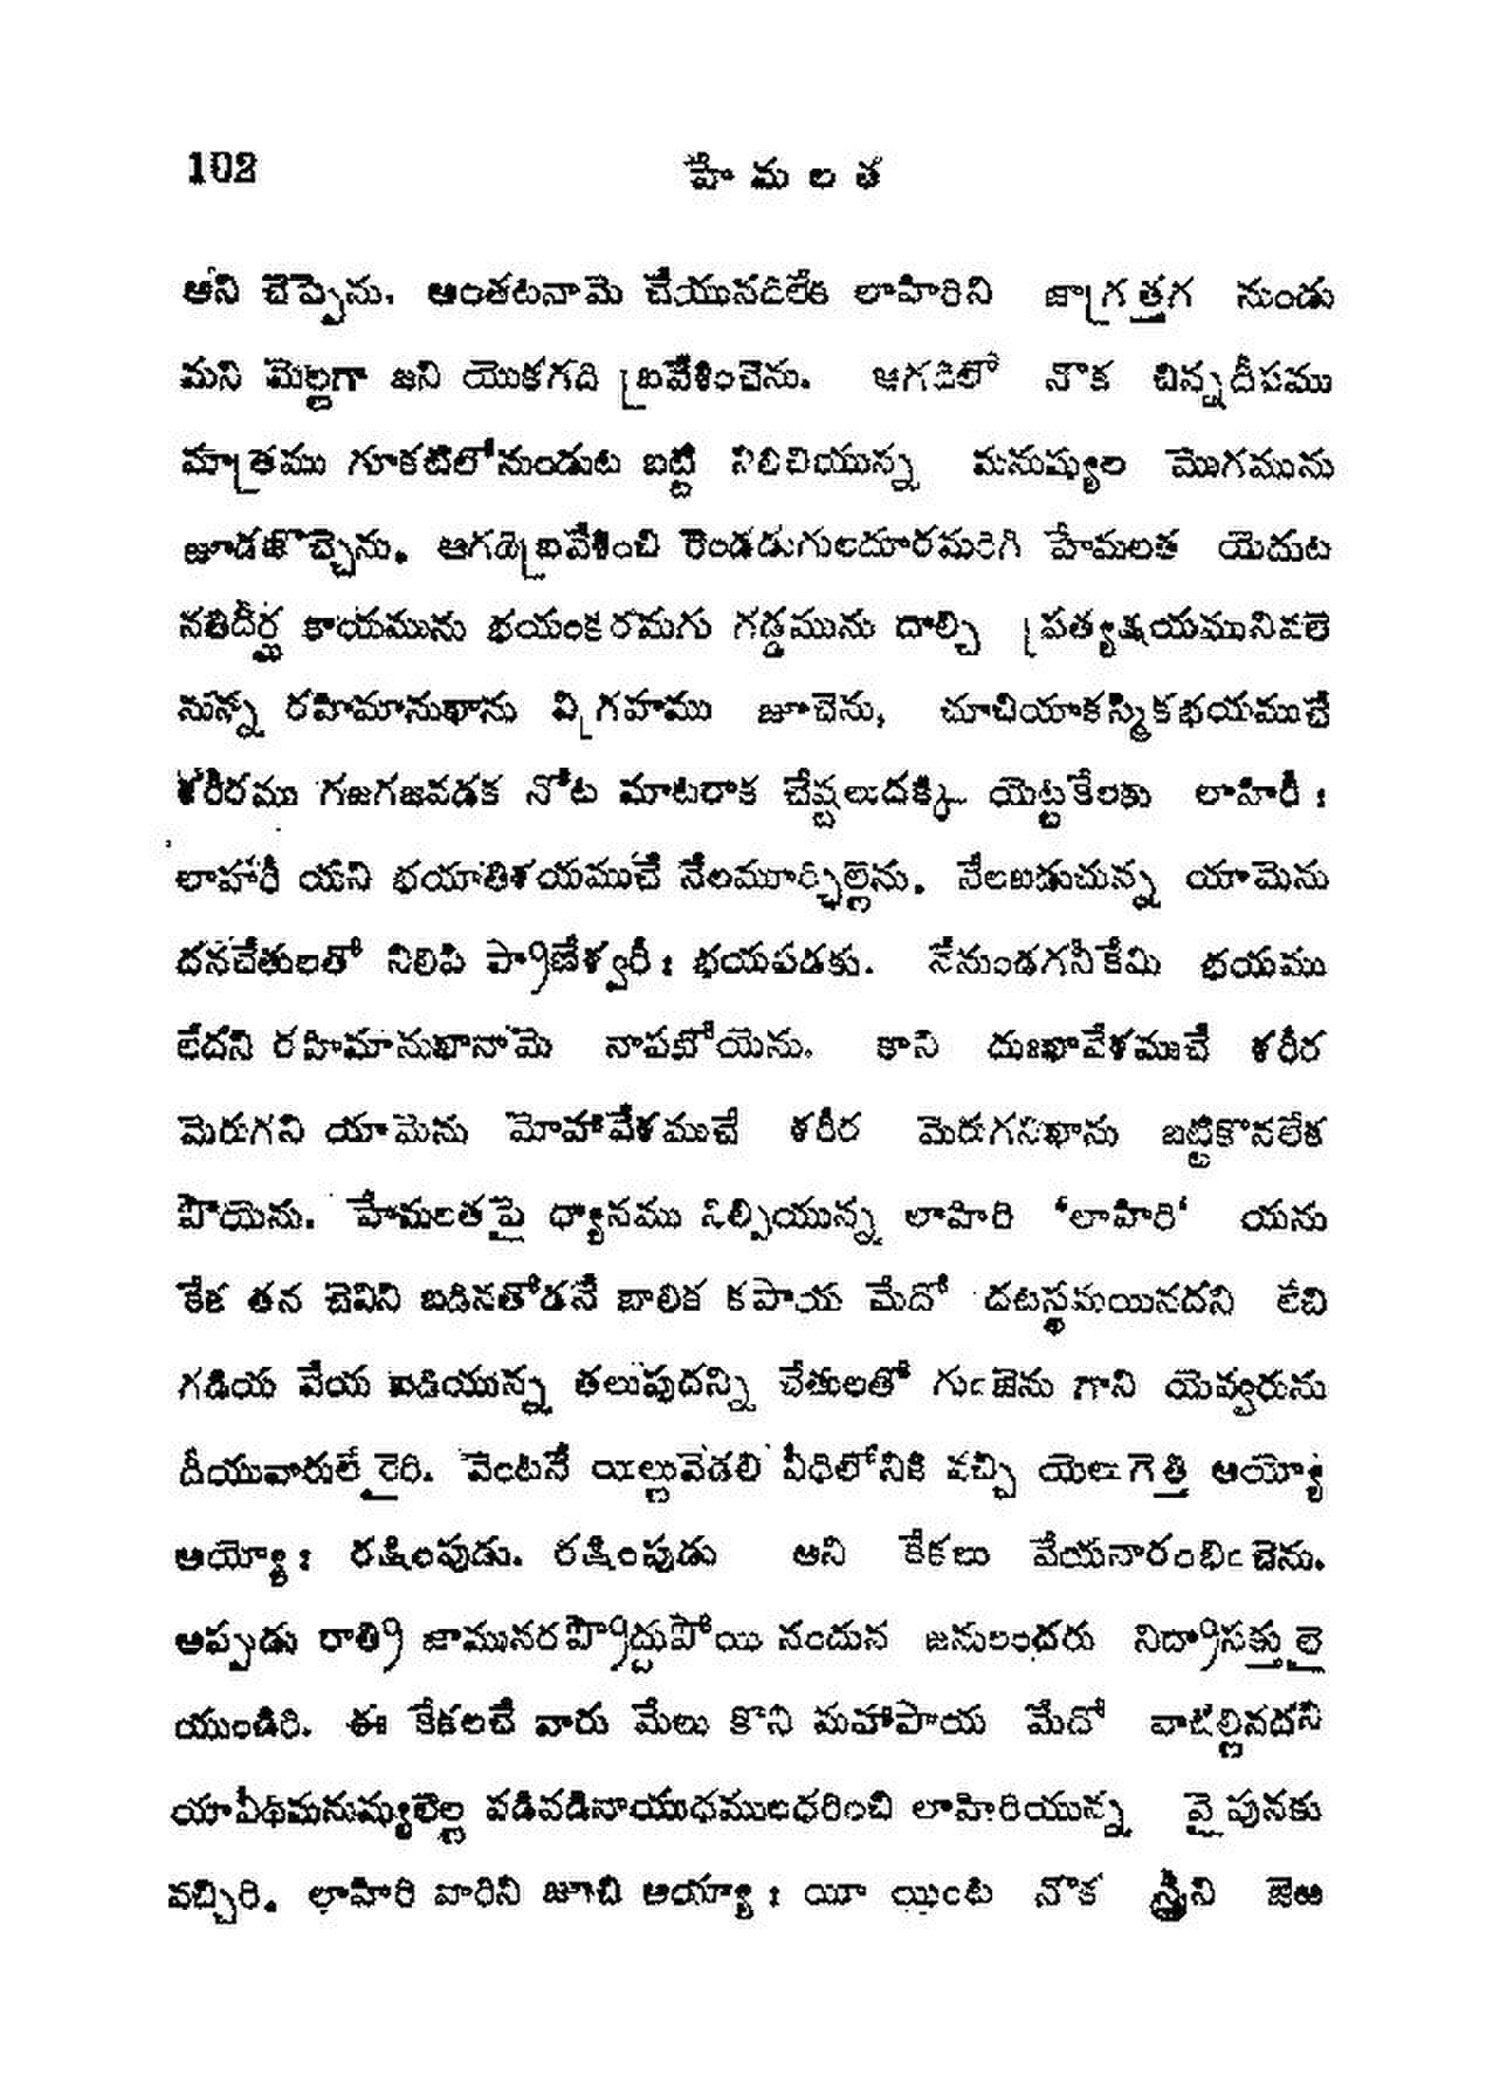అని చెప్పను. అంతటనామె చేయునదిలేక లాహిరిని జాగ్రత్తగ నుండుమని మెల్లగా యొకగదిని బ్రవేశించెను. ఆగదిలో నొక చిన్నదీపము మాత్రము గూకటిలో నుండుట బట్టి నిలిచియున్న మనుష్యుల మొగమును జూడజొచ్చెను. ఆగదిబ్రవేశించి రెండడుగులదూరమరిగి హేమలత యెదుట నతిదీర్ఘ కాయమును భయంకరమగు గడ్డమును దాల్చి ప్రత్యక్షయముని వలె నున్న రహిమానుఖాను విగ్రహము జూచెను. చూచి యకస్మికభయముచే శరీరము గజగజవడక నోట మాటరాక చేష్టలుదక్కి యెట్టకేలకు లాహిరీ! లాహిరీ యని భయాతిశయముచే నేలమూర్ఛిల్లెను. నేలబడుచున్న యామెను దనచేతులతో నిలిపి ప్రాణేశ్వరీ! భయపడకు. నేనుండగ నీకేమి భయములేదని రహిమానుఖానామె నాపబోయెను. కాని దుఃఖావేశముచే శరీర మెరుగని యామెను మొహావేశముచే శరీర మెరుగనిఖాను బట్టికొనలేకపోయెను. హేమలతపై ధ్యానము నిల్పియున్న లాహిరి ‘లాహిరి’ యను కేక తన చెవిని బడినతోడనే బాలిక కపాయ మేదో దటస్థమయినదని లేచి గడియ వేయ బడియున్న తలుపుదన్ని చేతులతో గుంజెను గాని యెవ్వరును దీయువారు లేరైరి. వెంటనే యిల్లువెడలి వీధిలోనికి వచ్చి యెలుగెత్తి అయ్యో అయ్యో! రక్షింపుడు. రక్షింపుడు అని కేకలు వేయనారంభించెను. అప్పుడు రాత్రి జామున్నరప్రొద్దుపోయి నందున జనులందరు నిద్రాసక్తులై యుండిరి. ఈ కేకలచే వారు మేలుకొని మహాపాయ మేదో వాటిల్లినదని యావీథిమనుష్యులెల్ల వడివడినాయుధములధరించి లాహిరియున్న వైపునకు వచ్చిరి. లాహిరి వారిని జూచి అయ్యా! యీ యింట నొక స్త్రీని జెఱ